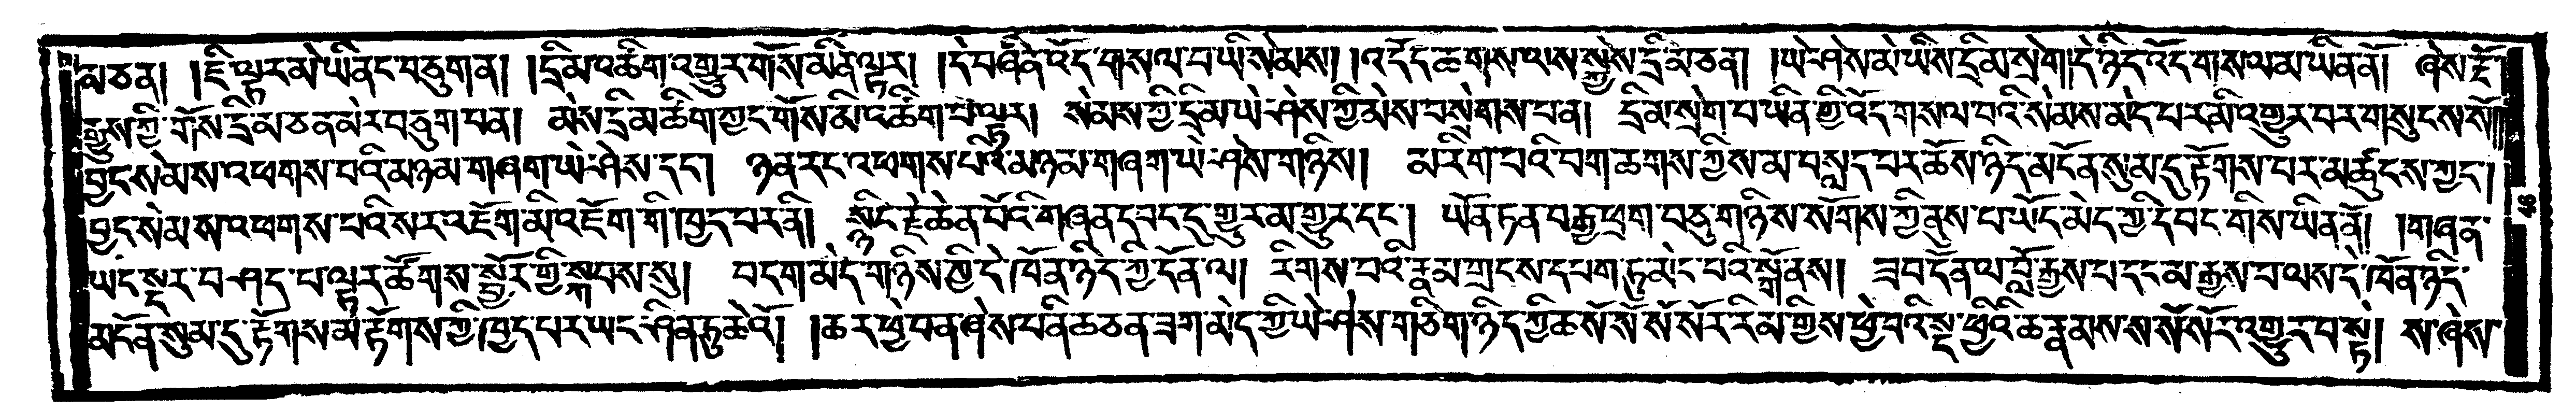མ་ཅན། །ཇི་ལྟར་མེ་ཡི་ནང་བཅུག་ན། །དྲི་མ་འཚིག་འགྱུར་གོས་མིན་ལྟར། །དེ་བཞིན་འོད་གསལ་བ་ཡི་སེམས། །འདོད་ཆགས་ལས་སྐྱེས་དྲི་མ་ཅན། །ཡེ་ཤེས་མེ་ཡིས་དྲི་མ་སྲེག །དེ་ཉིད་འོད་གསལ་མ་ཡིན་ནོ། ཞེས་རྡོ་
རྒྱུས་ཀྱི་གོས་དྲི་མ་ཅན་མེར་བཅུག་པ་ན། མེས་དྲི་མ་ཚིག་ཀྱང་གོས་མི་འཚིག་པ་ལྟར། སེམས་ཀྱི་དྲི་མ་ཡེ་ཤེས་ཀྱི་མེས་བསྲེགས་པ་ན། དྲི་མ་སྲེག་པ་ཡིན་གྱི་འོད་གསལ་བའི་སེམས་མེད་པར་མི་འགྱུར་བར་གསུངས་སོ།།
བྱང་སེམས་འཕགས་པའི་མཉམ་གཞག་ཡེ་ཤེས་དང་། ཉན་རང་འཕགས་པའི་མཉམ་གཞག་ཡེ་ཤེས་གཉིས། མ་རིག་པའི་བག་ཆགས་ཀྱིས་མ་བསླད་པར་ཆོས་ཉིད་མངོན་སུམ་དུ་རྟོགས་པར་མཚུངས་ཀྱང་།
བྱང་སེམས་འཕགས་པའི་སར་འཇོག་མི་འཇོག་གི་ཁྱད་པར་ནི། སྙིང་རྗེ་ཆེན་པོའི་གཞན་དབང་དུ་གྱུར་མ་གྱུར་དང་། ཡོན་ཏན་བརྒྱ་ཕྲག་བཅུ་གཉིས་སོགས་ཀྱི་ནུས་པ་ཡོད་མེད་ཀྱི་དབང་གི་ཡིན་ནོ། །གཞན་
ཡང་སྔར་བཤད་པ་ལྟར་ཚོགས་སྦྱོར་གྱི་སྐབས་སུ། བདག་མེད་གཉིས་ཀྱི་དེ་ཁོ་ན་ཉིད་ཀྱི་དོན་ལ། རིགས་པའི་རྣམ་གྲངས་དཔག་ཏུ་མེད་པའི་སྒོ་ནས། ཟབ་དོན་ལ་བློ་རྒྱས་པ་དང་མ་རྒྱས་པ་ལས་དེ་ཁོ་ན་ཉིད་
མངོན་སུམ་དུ་རྟོགས་མ་རྟོགས་ཀྱི་ཁྱད་པར་ཡང་ཤིན་ཏུ་ཆེའོ། །ཆར་ཕྱེ་བ་ན་ཞེས་པ་ནི་ཆ་ཅན་ཟག་མེད་ཀྱི་ཡེ་ཤེས་གཅིག་ཉིད་ཀྱི་ཆ་སོ་སོ་སོར་རིམ་གྱིས་ཕྱེ་བའི་སྔ་ཕྱིའི་ཆ་རྣམས་ས་སོ་སོར་འགྱུར་བ་སྟེ། ས་ཞེས་